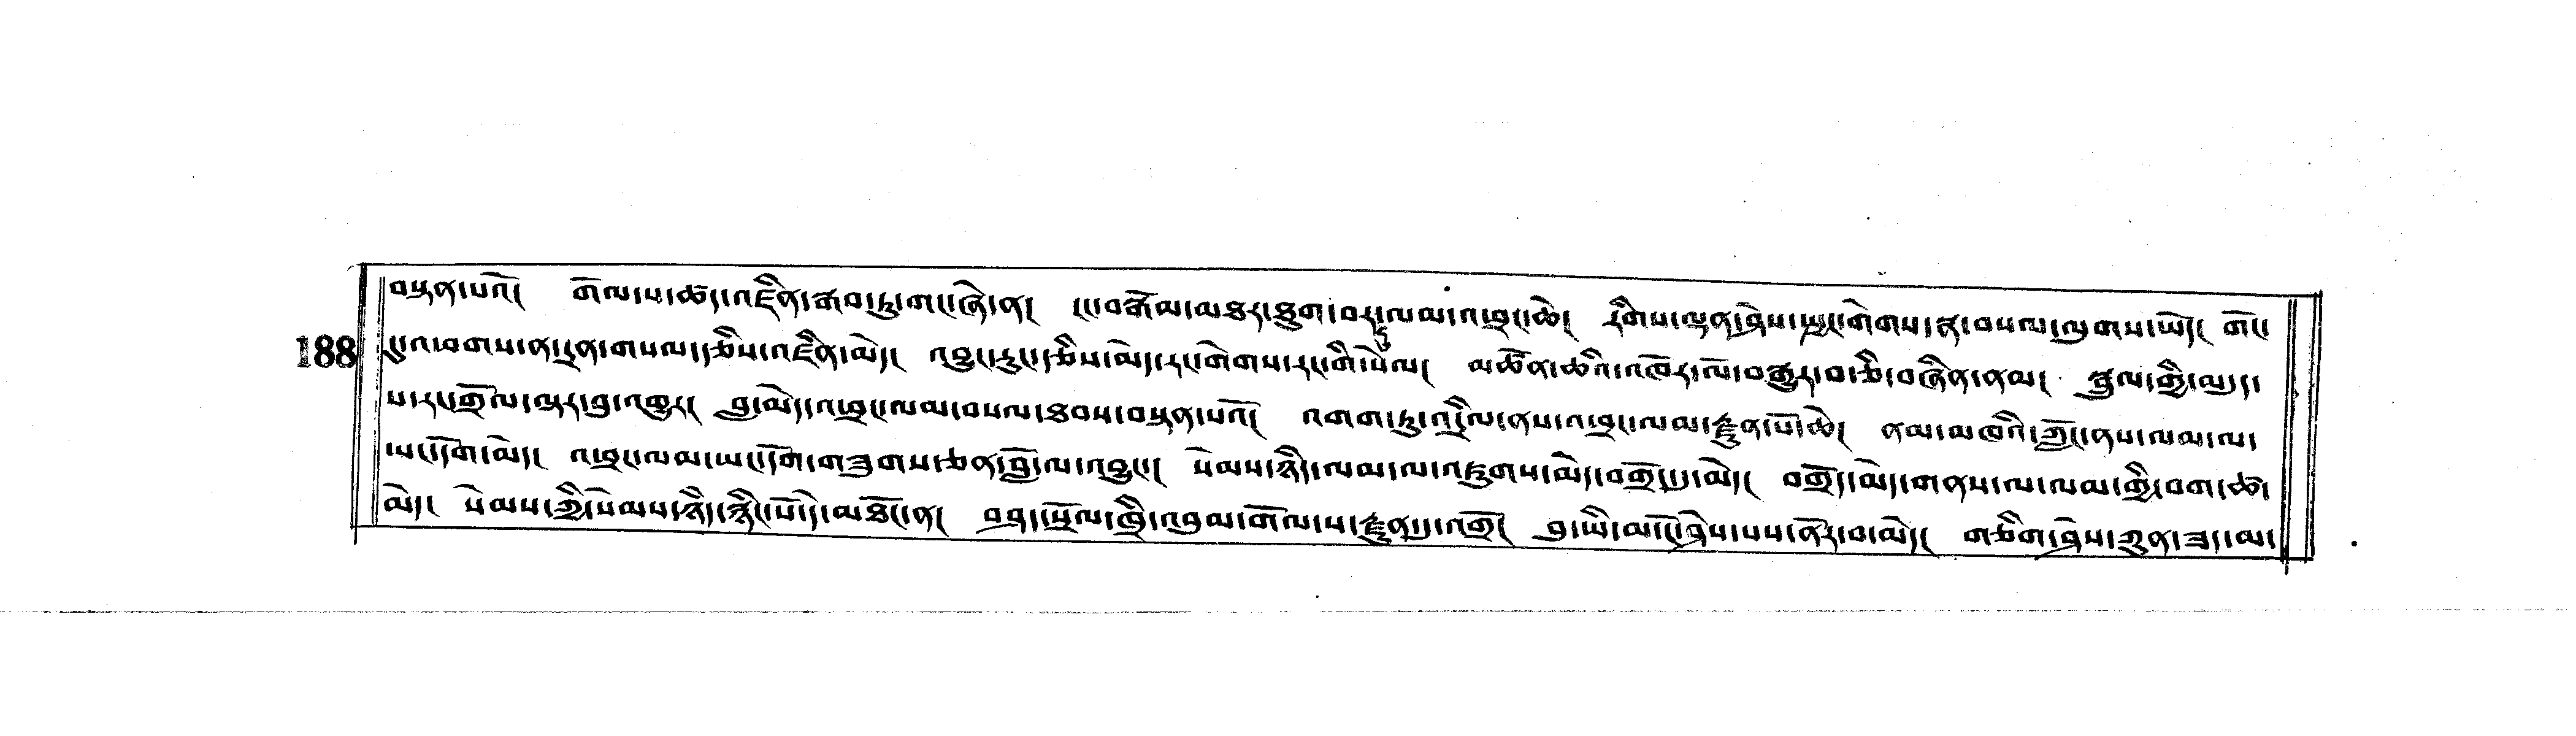བསྟན་པའོ། གོལ་ས་ཚད་འཛིན་སྒབ་ཏུ་གང་ཞེ་ན། ངང་སྒོམ་མཐར་ཐུག་བར་དུ་འཕྲང་ལམ་ཆེ། རིགས་ལྡན་ཤེས་སྤྱང་གེགས་སྣ་བསལ་ལུགས་ཡོད། གོང་
དུ་འཕགས་ན་དྲན་གསལ་རྩིས་འཛིན་མེད། འབྱུང་རུང་རྩིས་མེད་རང་གེགས་རང་གིས་སེལ། མཚོན་ཆའི་འཁོར་ལོ་བསྒྱུར་བ་ཅི་བཞིན་ནམ། སྦྲུལ་གྱི་མདུད་
པ་རང་གྲོལ་ལྟ་བུར་འགྱུར། བླ་མེད་འཕྲང་ལམ་བསལ་ཐབས་བསྟན་པའོ། འགག་ཏུ་འདྲིལ་ནས་འཕྲང་ལམ་རྫུན་པོ་ཆེ། ནམ་མཁའི་ཀློང་ནས་ལམ་ལ་
ཡང་དོག་མེད། འཕྲང་ལམ་ཡང་དོག་གཟུགས་ཅན་བློ་ལ་འབྱུང་། སེམས་ཉིད་ལམ་ལ་འཇུག་མེད་བགྲོད་དུ་མེད། བགྲོད་མེད་གནས་ལ་ལམ་གྱི་བག་ཚ་
མེད། སེམས་ཀྱི་སེམས་ཉིད་སྙིང་པོ་དེ་མཐོང་ན། བཤད་སྲོལ་ཁྲི་འབུམ་གོལ་ས་རྫུན་དུ་འགྲོ། བུ་ཡིས་མ་ངོ་ཤེས་པས་ནོར་བ་མེད། གཅིག་ཤེས་ཀུན་ཟད་མ་